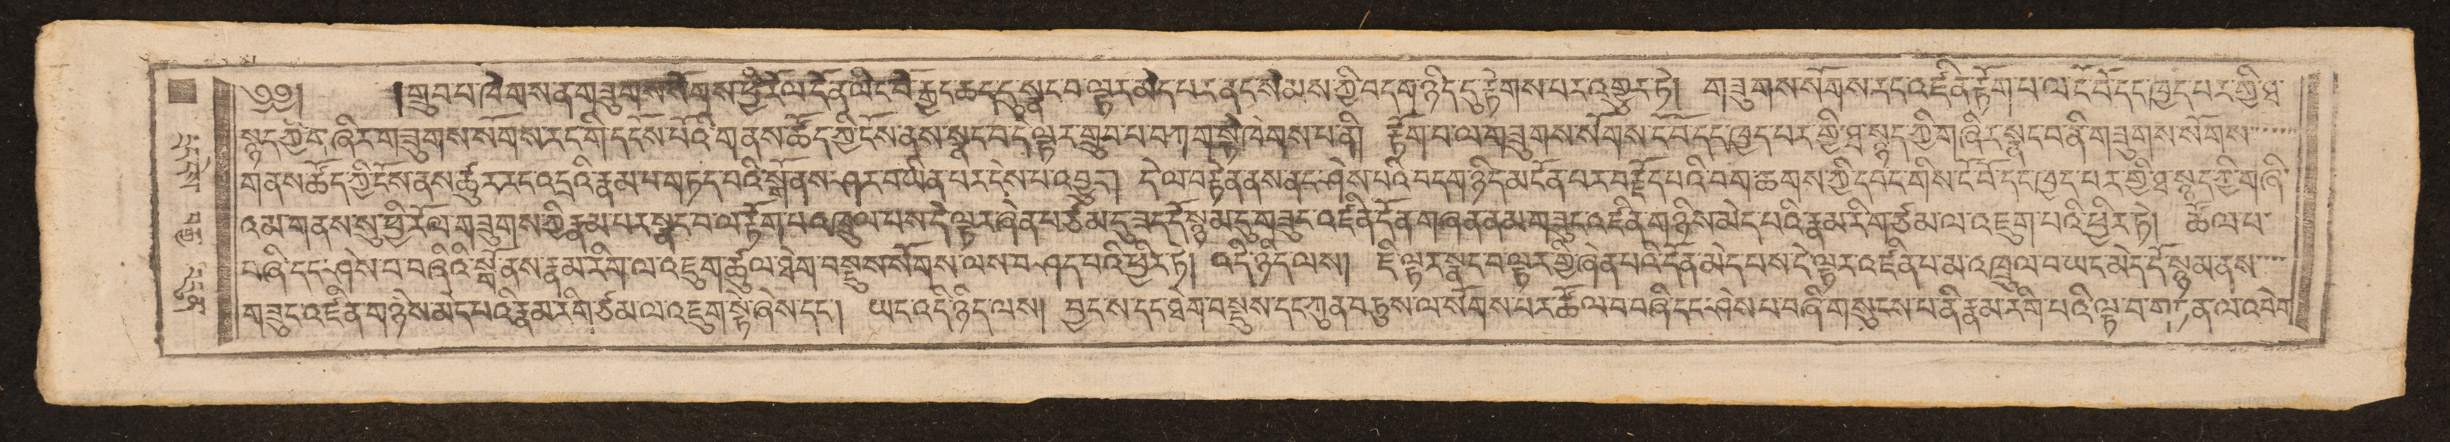༄༅། །གྲུབ་པ་ཁེགས་ན་གཟུགས་སོགས་ཕྱི་རོལ་དོན་ལིང་བོ་རྒྱང་ཆད་དུ་སྣང་བ་ལྟར་མེད་པར་ནང་སེམས་ཀྱི་བདག་ཉིད་དུ་རྟོགས་པར་འགྱུར་ཏེ། གཟུགས་སོགས་རང་འཛིན་རྟོག་པ་ལ་ངོ་བོ་དང་ཁྱད་པར་གྱི་ཐ་
སྙད་ཀྱི་གཞིར་གཟུགས་སོགས་རང་གི་དངོས་པོའི་གནས་ཚོད་ཀྱི་ངོས་ནས་སྣང་བ་དེ་ལྟར་གྲུབ་པ་བཀག་སྟེ་ཁེགས་པ་ནི། རྟོག་པ་ལ་གཟུགས་སོགས་ངོ་བོ་དང་ཁྱད་པར་གྱི་ཐ་སྙད་ཀྱི་གཞིར་སྣང་བ་ནི་གཟུགས་སོགས་
གནས་ཚོད་ཀྱི་ངོས་ནས་ཚུར་རང་འདྲའི་རྣམ་པ་གཏད་པའི་སྒོ་ནས་ཤར་བ་ཡིན་པར་ངེས་པ་འབྱུང་། དེ་ལ་བརྟེན་ནས་ནང་ཤེས་པའི་བདག་ཉིད་མངོན་པར་བརྗོད་པའི་བག་ཆགས་ཀྱི་དབང་གིས་ངོ་བོ་དང་ཁྱད་པར་གྱི་ཐ་སྙད་ཀྱི་གཞི་
འམ་གནས་སུ་ཕྱི་རོལ་གཟུགས་ཀྱི་རྣམ་པར་སྣང་བ་ལ་རྟོག་པ་འཁྲུལ་པས་དེ་ལྟར་ཞེན་པ་ཙམ་དུ་ཟད་དོ་སྙམ་དུ་གཟུང་འཛིན་དོན་གཞན་ནམ་གཟུང་འཛིན་གཉིས་མེད་པའི་རྣམ་རིག་ཙམ་ལ་འཇུག་པའི་ཕྱིར་ཏེ། ཚོལ་པ་
བཞི་དང་ཤེས་པ་བཞིའི་སྒོ་ནས་རྣམ་རིག་ལ་འཇུག་ཚུལ་ཐེག་བསྡུས་སོགས་ལས་བཤད་པའི་ཕྱིར་ཏེ། འདི་ཉིད་ལས། ཇི་ལྟར་སྣང་བ་ལྟར་གྱི་ཞེན་པའི་དོན་མེད་པས་དེ་ལྟར་འཛིན་པ་མ་འཁྲུལ་བ་ཡང་མེད་དོ་སྙམ་ནས་
གཟུང་འཛིན་གཉིས་མེད་པའི་རྣམ་རིག་ཙམ་ལ་འཇུག་སྟེ་ཞེས་དང་། ཡང་འདི་ཉིད་ལས། བྱང་ས་དང་ཐེག་བསྡུས་དང་ཀུན་བཏུས་ལ་སོགས་པར་ཚོལ་བ་བཞི་དང་ཤེས་པ་བཞི་གསུངས་པ་ནི་རྣམ་རིག་པའི་ལྟ་བ་གཏན་ལ་འབེབ་